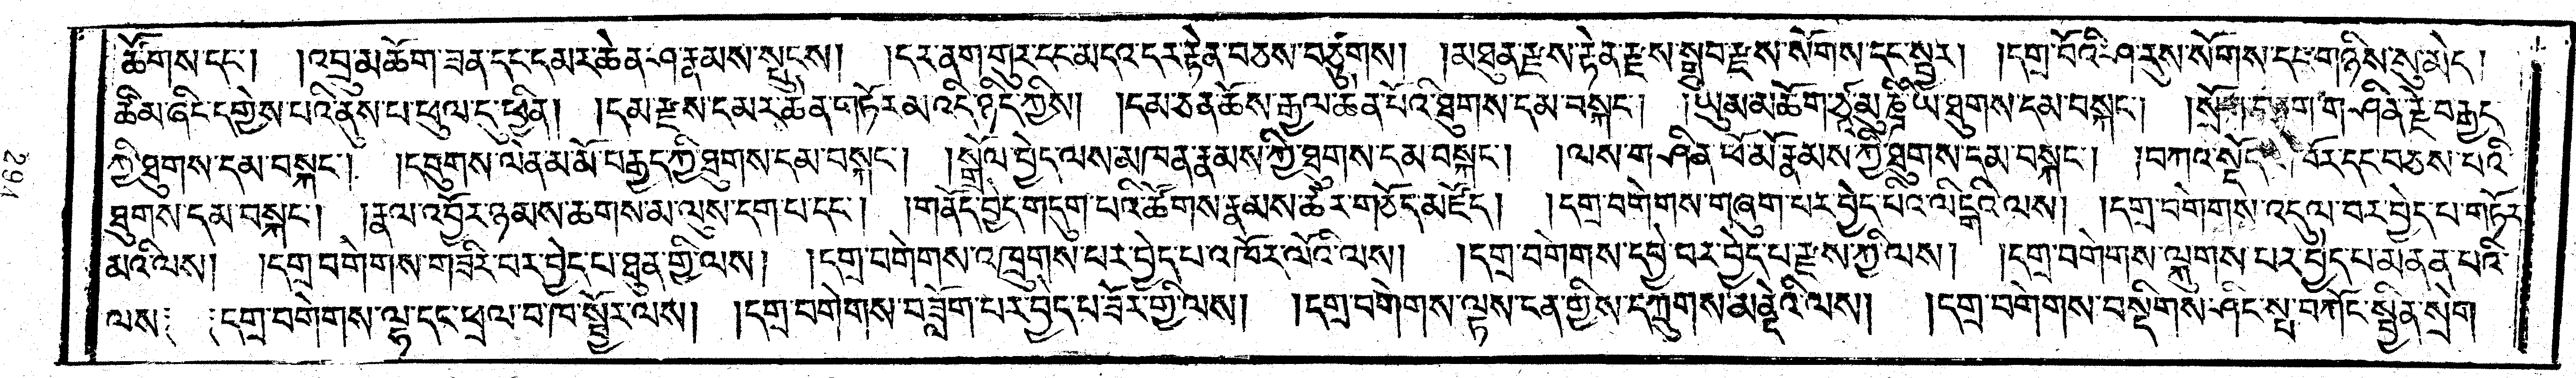ཚོགས་དང་། །འབྲུ་མཆོག་ཟན་དང་དམར་ཆེན་ཤ་རྣམས་སྤུངས། །དར་ནག་གུར་དང་མདའ་དར་རྟེན་བཅས་བཙུགས། །མཐུན་རྫས་རྟེན་རྫས་སྒྲུབ་རྫས་སོགས་དང་སྦྱར། །དགྲ་བོའི་ཤ་རུས་སོགས་དང་གཉིས་སུ་མེད། །
ཚིམ་ཞིང་དགྱེས་པའི་ནུས་པ་ཕུལ་དུ་ཕྱིན། །དམ་རྫས་དམར་ཆེན་གཏོར་མ་འདི་ཉིད་ཀྱིས། །དམ་ཅན་ཆོས་རྒྱལ་ཆེན་པོའི་ཐུགས་དམ་བསྐང་། །ཡུམ་མཆོག་ཙཱ་མུཎྜི་ཡི་ཐུགས་དམ་བསྐང་། །སྲོག་?་གཤིན་རྗེ་བརྒྱད་
ཀྱི་ཐུགས་དམ་བསྐང་། །དབུགས་ལེན་མ་མོ་བརྒྱད་ཀྱི་ཐུགས་དམ་བསྐང་། །སྒྲོལ་བྱེད་ལས་མཁན་རྣམས་ཀྱི་ཐུགས་དམ་བསྐང་། །ལས་གཤིན་ཕོ་མོ་རྣམས་ཀྱི་ཐུགས་དམ་བསྐང་། །བཀའ་སྡོད་འཁོར་དང་བཅས་པའི་
ཐུགས་དམ་བསྐང་། །རྣལ་འབྱོར་ཉམས་ཆགས་མ་ལུས་དག་པ་དང་། །གནོད་བྱེད་གདུག་པའི་ཚོགས་རྣམས་ཚར་གཅོད་མཛོད། །དགྲ་བགེགས་གཞུག་པར་བྱེད་པའི་ལིངྒའི་ལས། །དགྲ་བགེགས་འདུལ་བར་བྱེད་པ་གཏོར་
མའི་ལས། །དགྲ་བགེགས་གཟིར་བར་བྱེད་པ་ཐུན་གྱི་ལས། །དགྲ་བགེགས་འཁྲུགས་པར་བྱེད་པ་འཁོར་ལོའི་ལས། །དགྲ་བགེགས་དབྱེ་བར་བྱེད་པ་རྫས་ཀྱི་ལས། །དགྲ་བགེགས་ལྐུགས་པར་བྱེད་པ་མནན་པའི་
ལས༑ ༑དགྲ་བགེགས་ལྷ་དང་ཕྲལ་བ་ཁ་སྦྱོར་ལས། །དགྲ་བགེགས་བཟློག་པར་བྱེད་པ་ཟོར་གྱི་ལས། །དགྲ་བགེགས་ལྟས་ངན་གྱིས་དཀྲུགས་མནྡེའི་ལས། །དགྲ་བགེགས་བསྡིགས་ཤིང་སྤ་བཀོང་སྦྱིན་སྲེག་